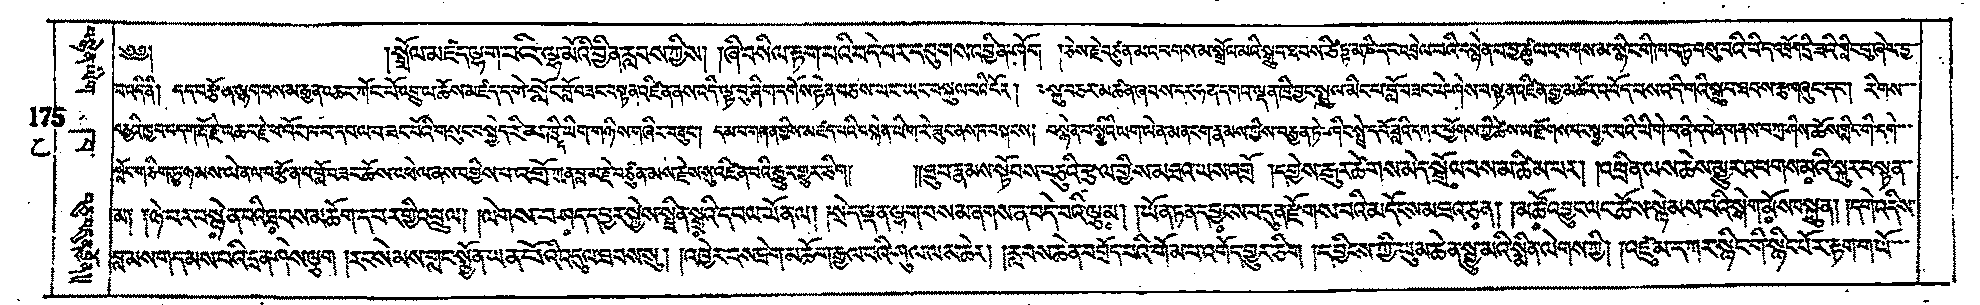༄༅། །སྒྲོལ་མཛད་ལྷག་པའི་ལྷ་མོའི་བྱིན་རླབས་ཀྱིས། །ཞི་བསིལ་རྟག་པའི་བདེ་བར་དབུགས་འབྱིན་ཤོག །ཅེས་རྗེ་བཙུན་མ་འཕགས་མ་སྒྲོལ་མའི་སྒྲུབ་ཐབས་རྩིཏྟ་མ་ཎི་དང་འབྲེལ་བའི་བསྙེན་པ་བྱ་ཚུལ་འཕགས་མ་སྙིང་གི་ཁབ་ཏུ་བསུ་བའི་ཡིད་འཕྲོག་དྲི་ཟའི་གླིང་བུ་ཞེས་བྱ་
བ་འདི་ནི། དད་བརྩོན་ལྷག་བསམ་རྒྱན་འཆང་ཀོང་པོ་འབྲུ་ལ་ཆོས་མཛད་དགེ་སློང་བློ་བཟང་བསྟན་འཛིན་ནས་འདི་ལྟ་བུ་ཞིག་དགོས་རྟེན་བཅས་ཡང་ཡང་བསྐུལ་བའི་ངོར། ༧་སྐུ་བཅར་མཚན་ཞབས་དར་ཧན་དགའ་ལྡན་ཁྲི་བྱང་སྤྲུལ་མིང་པ་བློ་བཟང་ཡེ་ཤེས་བསྟན་འཛིན་རྒྱ་མཚོར་འབོད་པས་འདི་གའི་སྒྲུབ་ཐབས་རྩ་གཞུང་དང་། རིགས་་་
བརྒྱའི་ཁྱབ་བདག་རྡོ་རྗེ་འཆང་རྗེ་ཕ་བོང་ཁ་པ་དཔལ་བཟང་པོའི་གསུང་བསྐྱེད་རིམ་ཁྲིད་ཡིག་གཉིས་གཞིར་བཟུང་། དམ་པ་གཞན་གྱིས་མཛད་པའི་བསྙེན་ཡིག་རེ་ཟུང་ནས་ཁ་བསྐངས། བསྙེན་པ་སྤྱིའི་ལག་ལེན་མན་ངག་རྣམས་ཀྱིས་བརྒྱན་ཏེ་ཤིང་སྤྲེ་དབོ་ཟླའི་དཀར་ཕྱོགས་ཀྱི་ཚེས་ལ་རྫོགས་པར་སྦྱར་བའི་ཡི་གེ་པ་ཨི་དབེན་གནས་བཀྲ་ཤིས་ཆོས་གླིང་གི་དགེ་་་
སློང་གཅིག་ཏུ་ཉམས་ལེན་ལ་བརྩོན་པ་བློ་བཟང་ཆོས་འཕེལ་ནས་བགྱིས་པ་འགྲོ་ཀུན་བླ་མ་རྗེ་བཙུན་མས་རྗེས་སུ་འཛིན་པའི་རྒྱུར་གྱུར་ཅིག། །།ཐུབ་རྣམས་སྟོབས་བཅུའི་རྩལ་གྱིས་མཐའ་ཡས་འགྲོ་།དགྱེས་རྒུར་ཚེགས་མེད་སྒྲོལ་བས་མ་ཚིམ་པར། །འཕྲིན་ལས་ཆེས་མྱུར་འཕགས་མའི྾་སྐུར་བསྟན་་་
མ༑ ༑ཉེ་བར་བསྙེན྾་བའི་ཐབས྾་མཆོག་དཔར་གྱི་འཕྲུལ། །ལེགས་བཤད྾་དབྱར་སྐྱེས་སྤྲིན་སྒྲའི྾་དཔལ་ཡོན་ལ། །སྲེད་ལྡན་ལྷག་བསམ་ནགས་ན་བདེ་བའི་ལྕམ྾། །ཡོན་ཏན་དབྱངས྾། །ཡོན་ཏན་དབྱངས྾་བདུན་རྫོགས་པའི་མདོངས་མཐའ་ཅན྾། །མཚོ྾་འབྱུང་ལང་ཚོས་སྙེམས་པའི་སྒེག་མོས྾་བསྐྲུན། །དགེ་འདིས་
བླ་མས་གདམས་པའི་དྲན་ཤེས་ལྕག །རང་སེམས་གླང་སྨྱོན་ཡན་པོའི་འདུལ་ཐབས་སུ། །འཁྱེར་བས་ཐེག་མཆོག་རྒྱལ་བའི་ཤུལ་ལ་མཆེར། །རླབས་ཆེན་བགྲོད་པའི་གོམ་པ་འགོད་གྱུར་ཅིག །དབྱིངས་ཀྱི་ཡུམ་ཆེན་སྒྱུ་མའི་སྨིན་ལེགས་ཀྱི། །འཛུམ་དཀར་སྙིང་གི་སྙིང་པོར་རྟག་གཡོ་་་